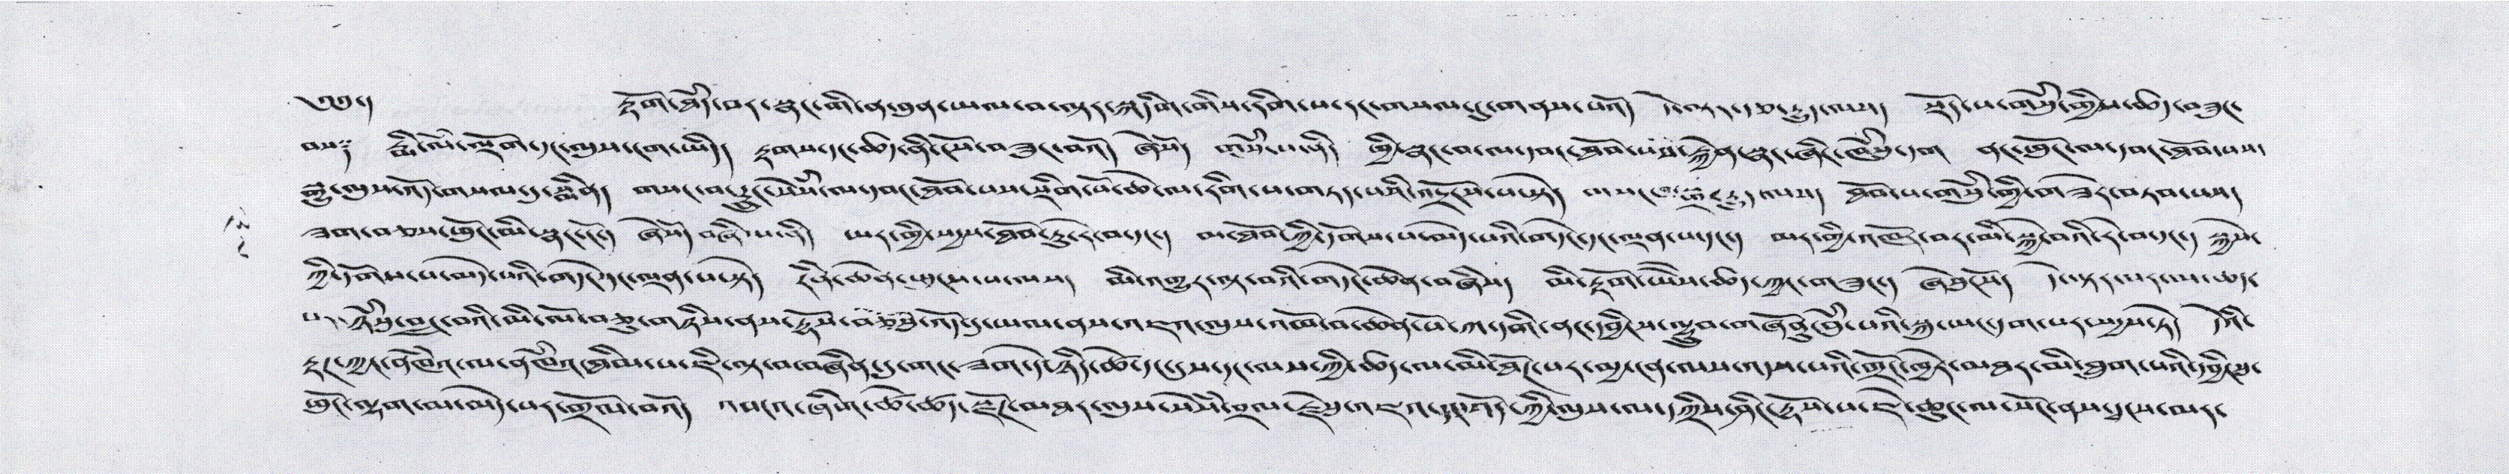རྟོག་ཐམས་ཅད་བར་སྣང་གི་ན་བུན་ཡལ་བ་ལྟར་སྐད་ཅིག་གིས་རིག་པ་རང་གསལ་དུ་གནས་པའོ། དེ་ལྟར་རྩ་རྒྱུད་ལས། སྡོད་པ་གསུམ་གྱིས་ཚད་བཟུང་
བས། རྨི་ལམ་ལྡོག་དང་ལུས་ངག་ཡིད། རྟགས་དང་ཚད་ནི་ངོས་བཟུང་བའོ། ཞེས་སོ། གསུམ་པ་ནི། ཕྱི་སྣང་བ་ལ་དབང་ཐོབ་པས་རྐྱེན་སྣང་ཞིང་ཁམས་སུ་དག ནང་ཕུང་པོ་ལ་དབང་ཐོབ་པས་
སྒྱུ་ལུས་འོད་གསལ་དུ་སྨིན། གསང་བ་རླུང་སེམས་ལ་དབང་ཐོབ་པས་སྡིག་པོ་ཆེ་ལ་རིག་པ་གཏད་པའི་འདྲོངས་པ་སྟེ། གསང་བ་སྒྲ་རྒྱུད་ལས། ཐོབ་པ་གསུམ་གྱི་གཟེར་བཏབ་པས། 
ཟག་བཅས་ཕུང་པོ་མི་སྣང་ངོ། ཞེས་སོ། བཞི་པ་ནི། ཡར་གྱི་སངས་རྒྱས་ཐོབ་ཏུ་རེ་བ་དང། མ་ཐོབ་ཀྱི་དགོས་པ་མེད་པའི་གདེང་དང་ལྡན་པ་དང། མར་གྱི་འཁོར་བར་མི་སྐྱེ་བའི་རེ་བ་དང། སྐྱེས་
ཀྱི་དགོས་པ་མེད་པའི་གདེང་དང་ལྡན་པ་སྟེ། རིན་ཆེན་སྤུངས་པ་ལས། མི་འགྱུར་ལྟ་བའི་གདེང་ཆེན་བཞིས། མི་རྟོག་ཡེ་ཤེས་ཚད་ཀྱང་གཟུང། ཞེས་གསུངས་སོ། དེ་ལྟར་བར་མ་ཆད་
པ་ཉམས་སུ་བླང་བའི་མི་ལོ་བཅུ་གཉིས་ནས་རྡོས་བཅས་སུ་འོད་དུ་ཡལ་ནས་འཇའ་ལུས་འཕོ་བ་ཆེན་པོ་ཀ་དག་གི་ནང་དབྱིངས་ལྷུན་གྲུབ་གཞོན་ནུ་བུམ་པའི་སྐུ་ཡང་དག་པར་སངས་རྒྱས་ཏེ། དེའི་
རྟགས་ཀྱང་ནམ་མཁའ་ལ་ནམ་མཁའ་ཐིབ་པ་ཇི་ལྟ་བ་བཞིན་དུ་གང་ཟག་དེ་ཉིད་ཚེ་དང་དུས་དང་ལས་ཀྱི་ཚད་ལ་མི་ཐོགས་པར་མྱ་ངན་ལས་འདས་པའི་གྲོང་ཁྱེར་མཐར་མི་ཐུག་པའི་དབྱིངས་སུ་
ཕུང་པོ་ལྷག་མ་མེད་པར་གྲོལ་བའོ། འགའ་ཞིག་ཚེ་ཚད་རྫོགས་མཐར་ལུས་སེམས་བྲལ་རྗེས་སུ་འཇའ་དང་འོད་ཀྱི་ལུས་ལ་དཀྲིས་ཤིང་རྡོས་པ་ཇེ་ཆུང་ལ་སོང་ནས་དྭངས་མར་